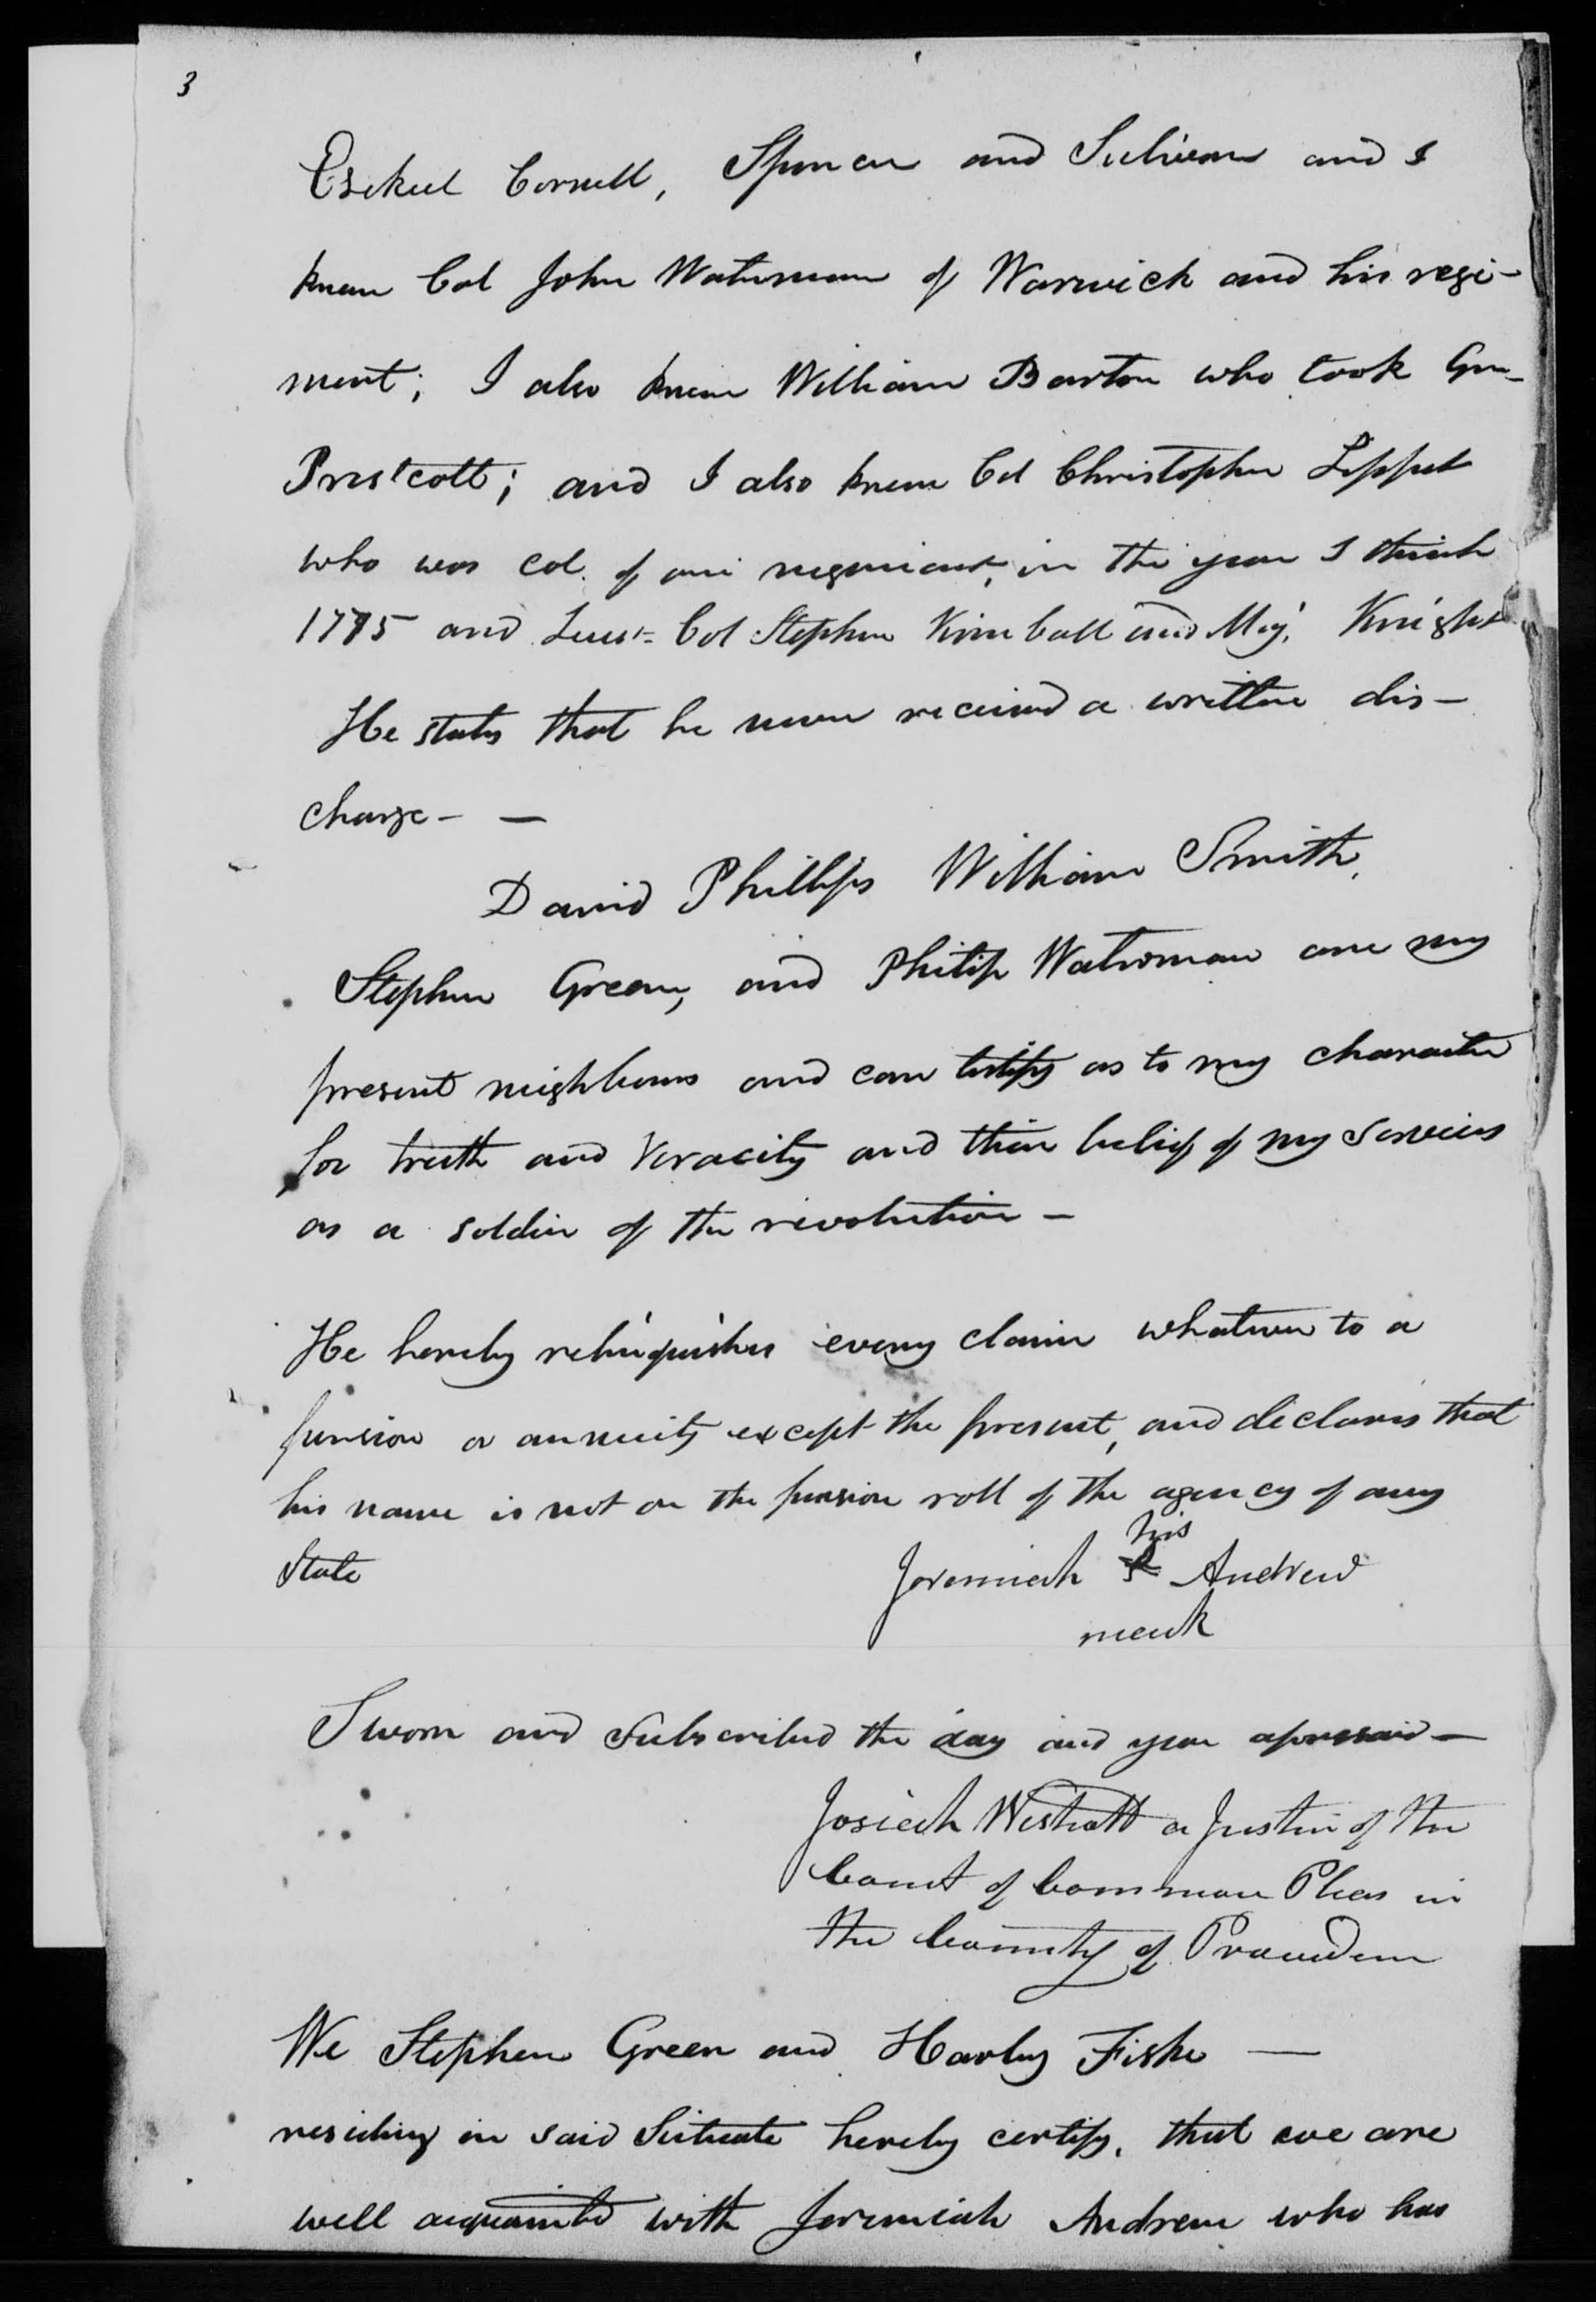Eschel Cornell, Spencer and Silver and I
know Col John Waterman of Warwick and his regiment. I also knew William Barton who took
Gen Prestcott; and I also knew Col Christopher Lippet [Lisset?] who was Col of our regiment in the year I think 1775 and Lieut Col Stephen Kimball and Maj. Knight
He states that he never received a written discharge --

David Phillips William Smith, Stephen Green and Philip Waterman and my present neighbors and can testify as to my character
for truth and veracity and their belief of my services as a soldier of the revolution -

He hereby relinquishes every claim whatever to 
a pension or annuity except the present, and declares that his name is not on the pension roll of the agency of any State
Jerimiah [his X mark] Andrew

Sworn and subscribed the day and year aforesaid - 

Josiah Westhall a Justice of the
Court of Common Pleas in
the County of Providence

We Stephen Green and Harley Fiske - residing
in said Scituate hereby certify, that we are
well acquainted with Jeremiah Andrew who has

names: William Smith, David Phillips, Sulivan, Stephen Green, William Barton, Harley Fiske, Ezekiel Cornell, Philip Waterman, Josiah Westcott, Jeremiah Andrew, Christopher Lippet, Stephen Green, Spencer, John Waterman, Jeremiah Andrew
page: 5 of 29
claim: survivor's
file: S 21602, Jeremiah Andrew, R.I.